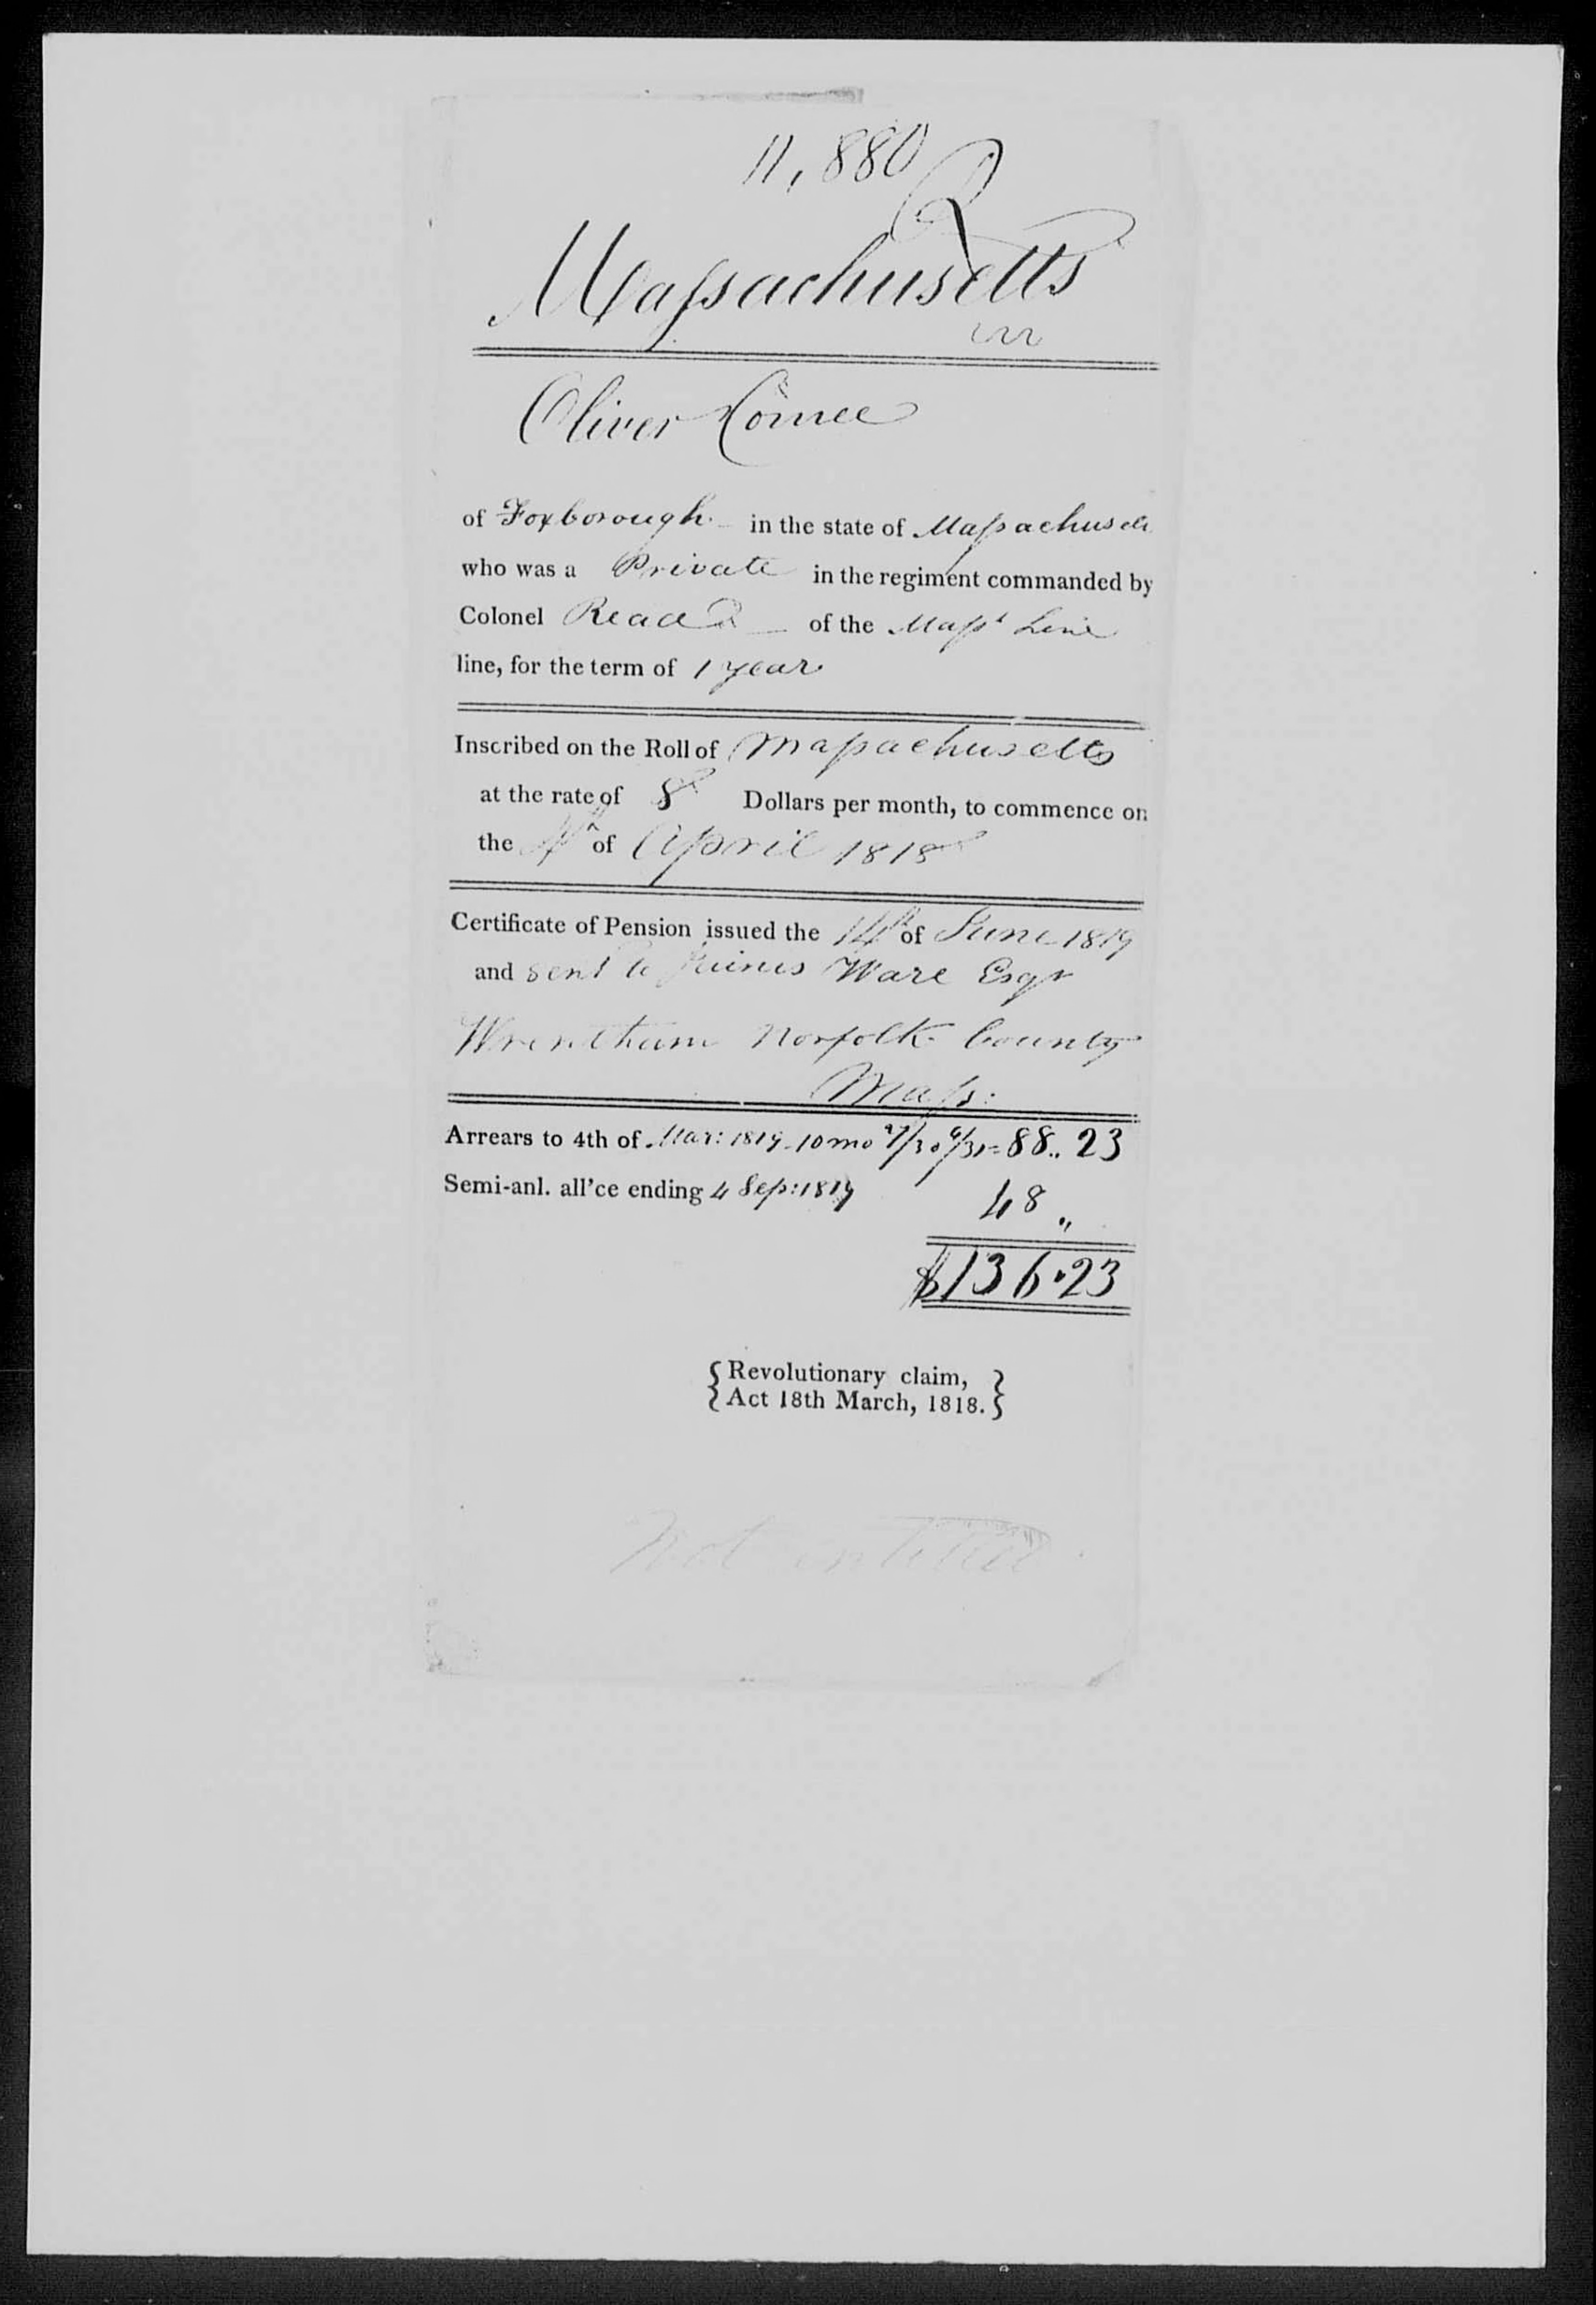11,880 
Massachusetts 
———-
Oliver Comee of Foxborough in the State of Massachusetts who was a Private in the regiment commanded by Colonel Read of the Mass Line line, for the term of 1 year 
————
Inscribed on the Roll of Massachusetts at the rate of 8 Dollars per month, to commence on the 4th of April 1818 
————
Certificate of Pension issued the 14th of June 1819 and sent to Jairus Ware Esqr Wrentham Norfolk County Mass 
————
Arrears to 4th of Mar. 1819. 10mo 27/30’6/30 =0.2 88.23
Semi-anl. all'ce ending 4 Sep. 1819 
48 
————-
$13623
————-
{Revolutionary claim, Act 18th March, 1818.} 


Not entitled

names: Oliver Comee, Jairus Ware, Read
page: 19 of 45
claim: widow's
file: W. 14,567, Oliver Comee, Mass.